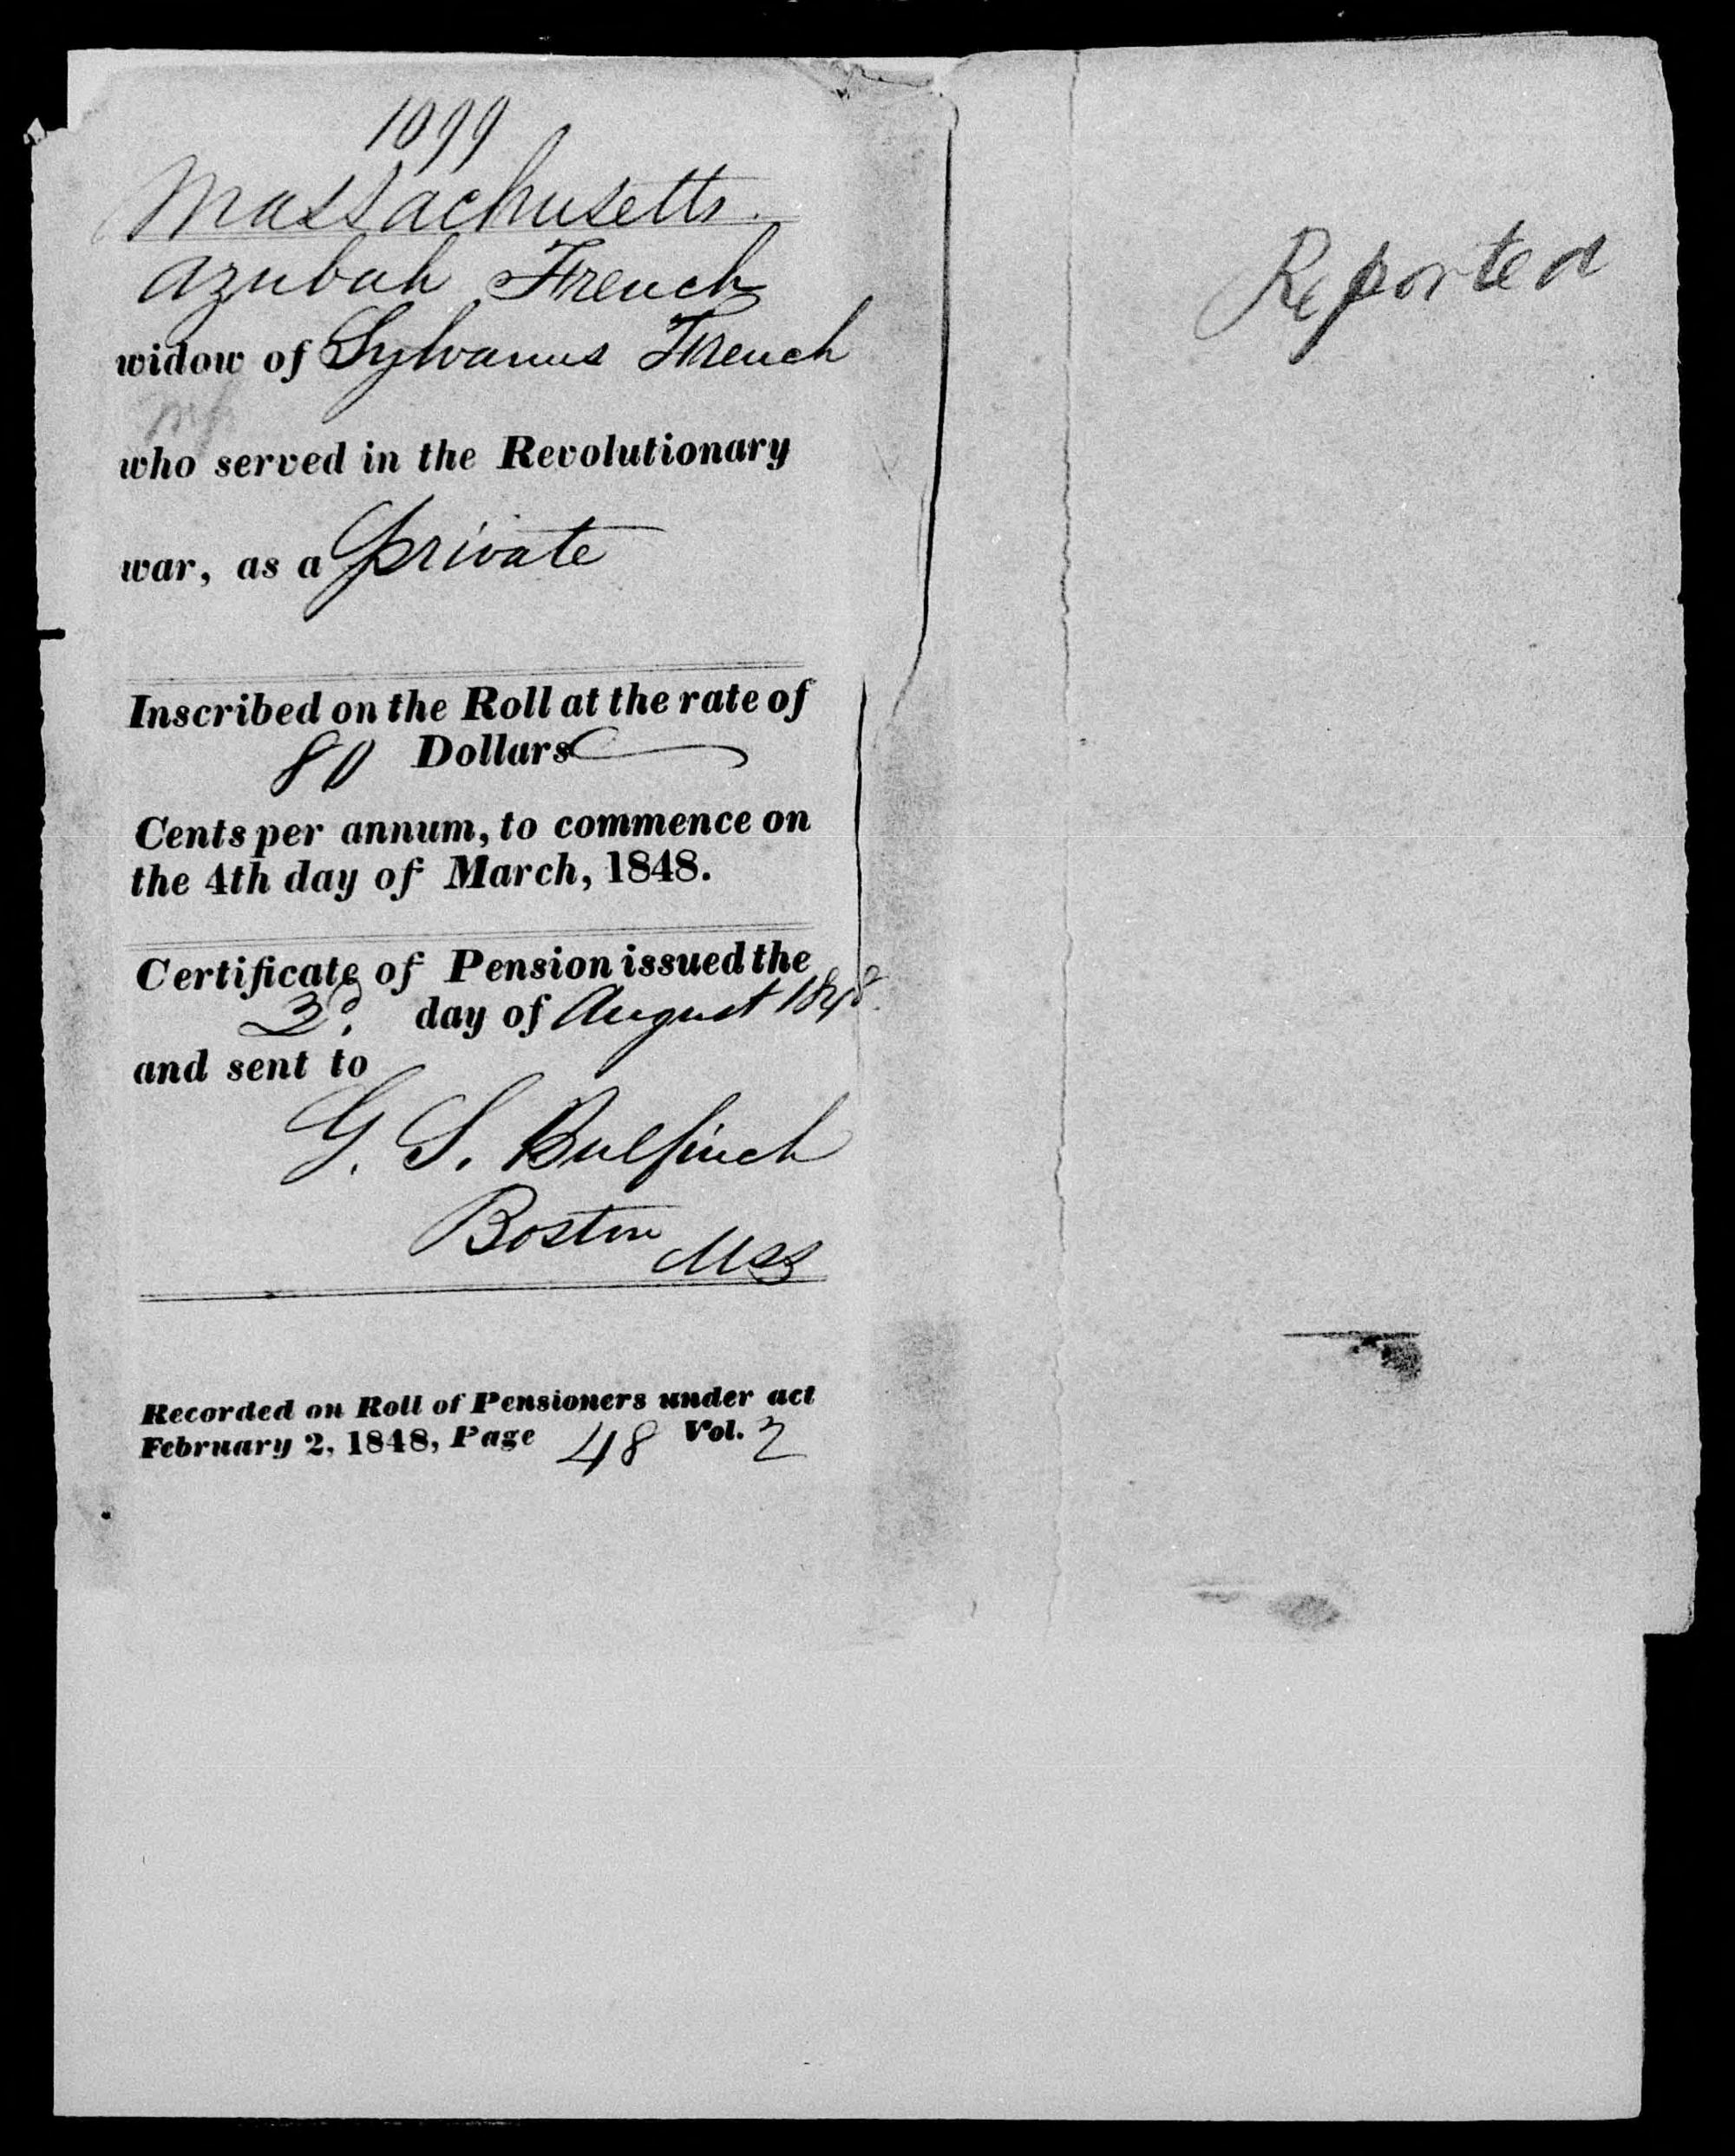1099
Massachusetts
Azubah French
widow of Sylvanus French
who served in the Revolutionary war, as a private
Inscribed on the Roll at the rate of
80 Dollars ______
Cents per annum, to commence on
the 4th day of March, 1848.
Certificate of Pension issued the 
3rd day of August 1848
and sent to 
G.S. Bullfinch
Boston Mass

Recorded on Roll of Pensioners under act
February 2, 1848, Page 48 Vol 2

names: G S Bulfinch, Azubah French, Sylvanus French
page: 2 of 38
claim: widow's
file: W. 24,235, Silvanus French, Mass.